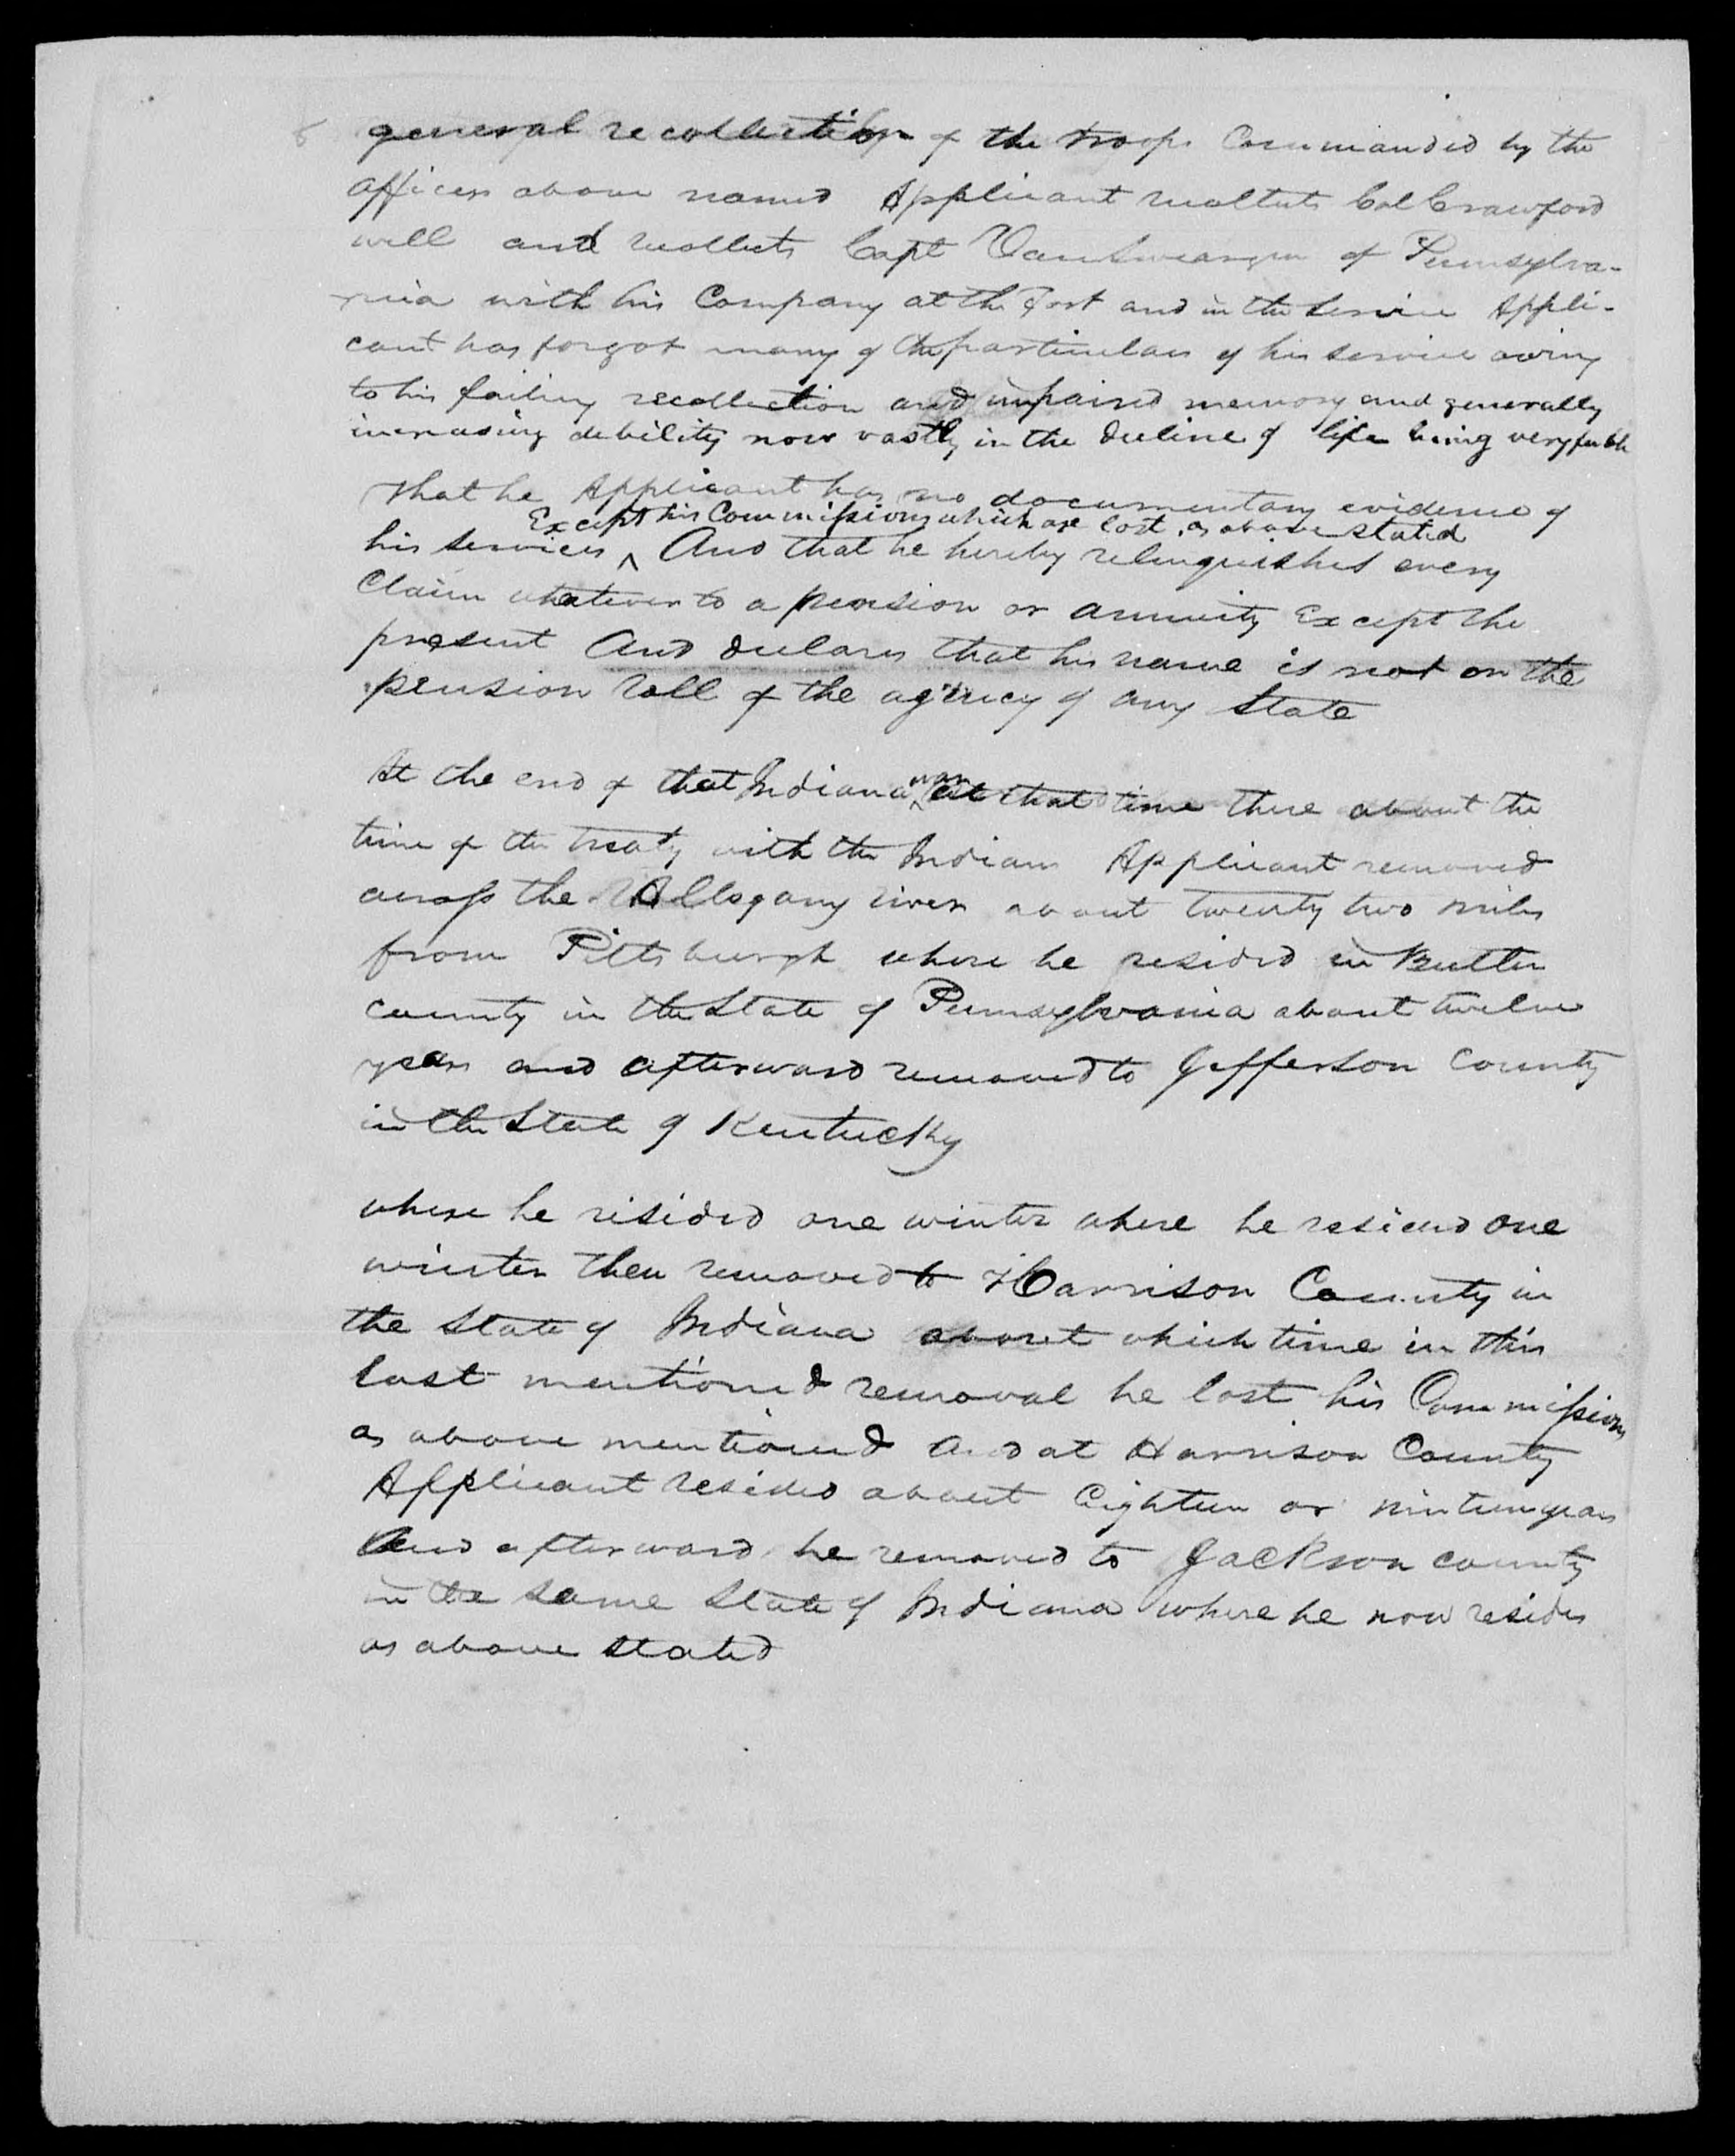5
general recollection of the troops commanded by the officers above named Applicant recollects Col Crawford well and recollects Capt Vansweargan of Pennsylvania with his company at the fort and in the service Applicant has forgot many of the particulars of his service owing to his failing recollection and impaired memory and generally increasing debility now vastly in the decline of life being very fast
that the applicant has no documentary evidence of his services Except his commissions which are lost, as above stated
And that he hereby relinquishes every claim whatever to a pension or annuity except the
present 
And declares that his name is not on the
pension roll of the agency of any State
at the end of that Indiana war at that time there about the time of the treaty with the Indians Applicant removed across the Allegany River about twenty two miles from
Pittsburgh where he resided in Butler
County in the State of Pennsylvania about twelve years and afterward removed to Jefferson County in the State of Kentucky
Where he resided one winter then removed to Harrison County in the State of Indiana about which time in this
last mentioned removal he lost his Commission as above mentioned and at Harrison County Applicant resided about Eighteen or nineteen years
And afterward he removed to Jackson County
in the same State of Indiana where he now resides as above stated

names: Vansweargen, Crawford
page: 11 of 36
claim: survivor's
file: S. 31,718, James Guffey, Penn.